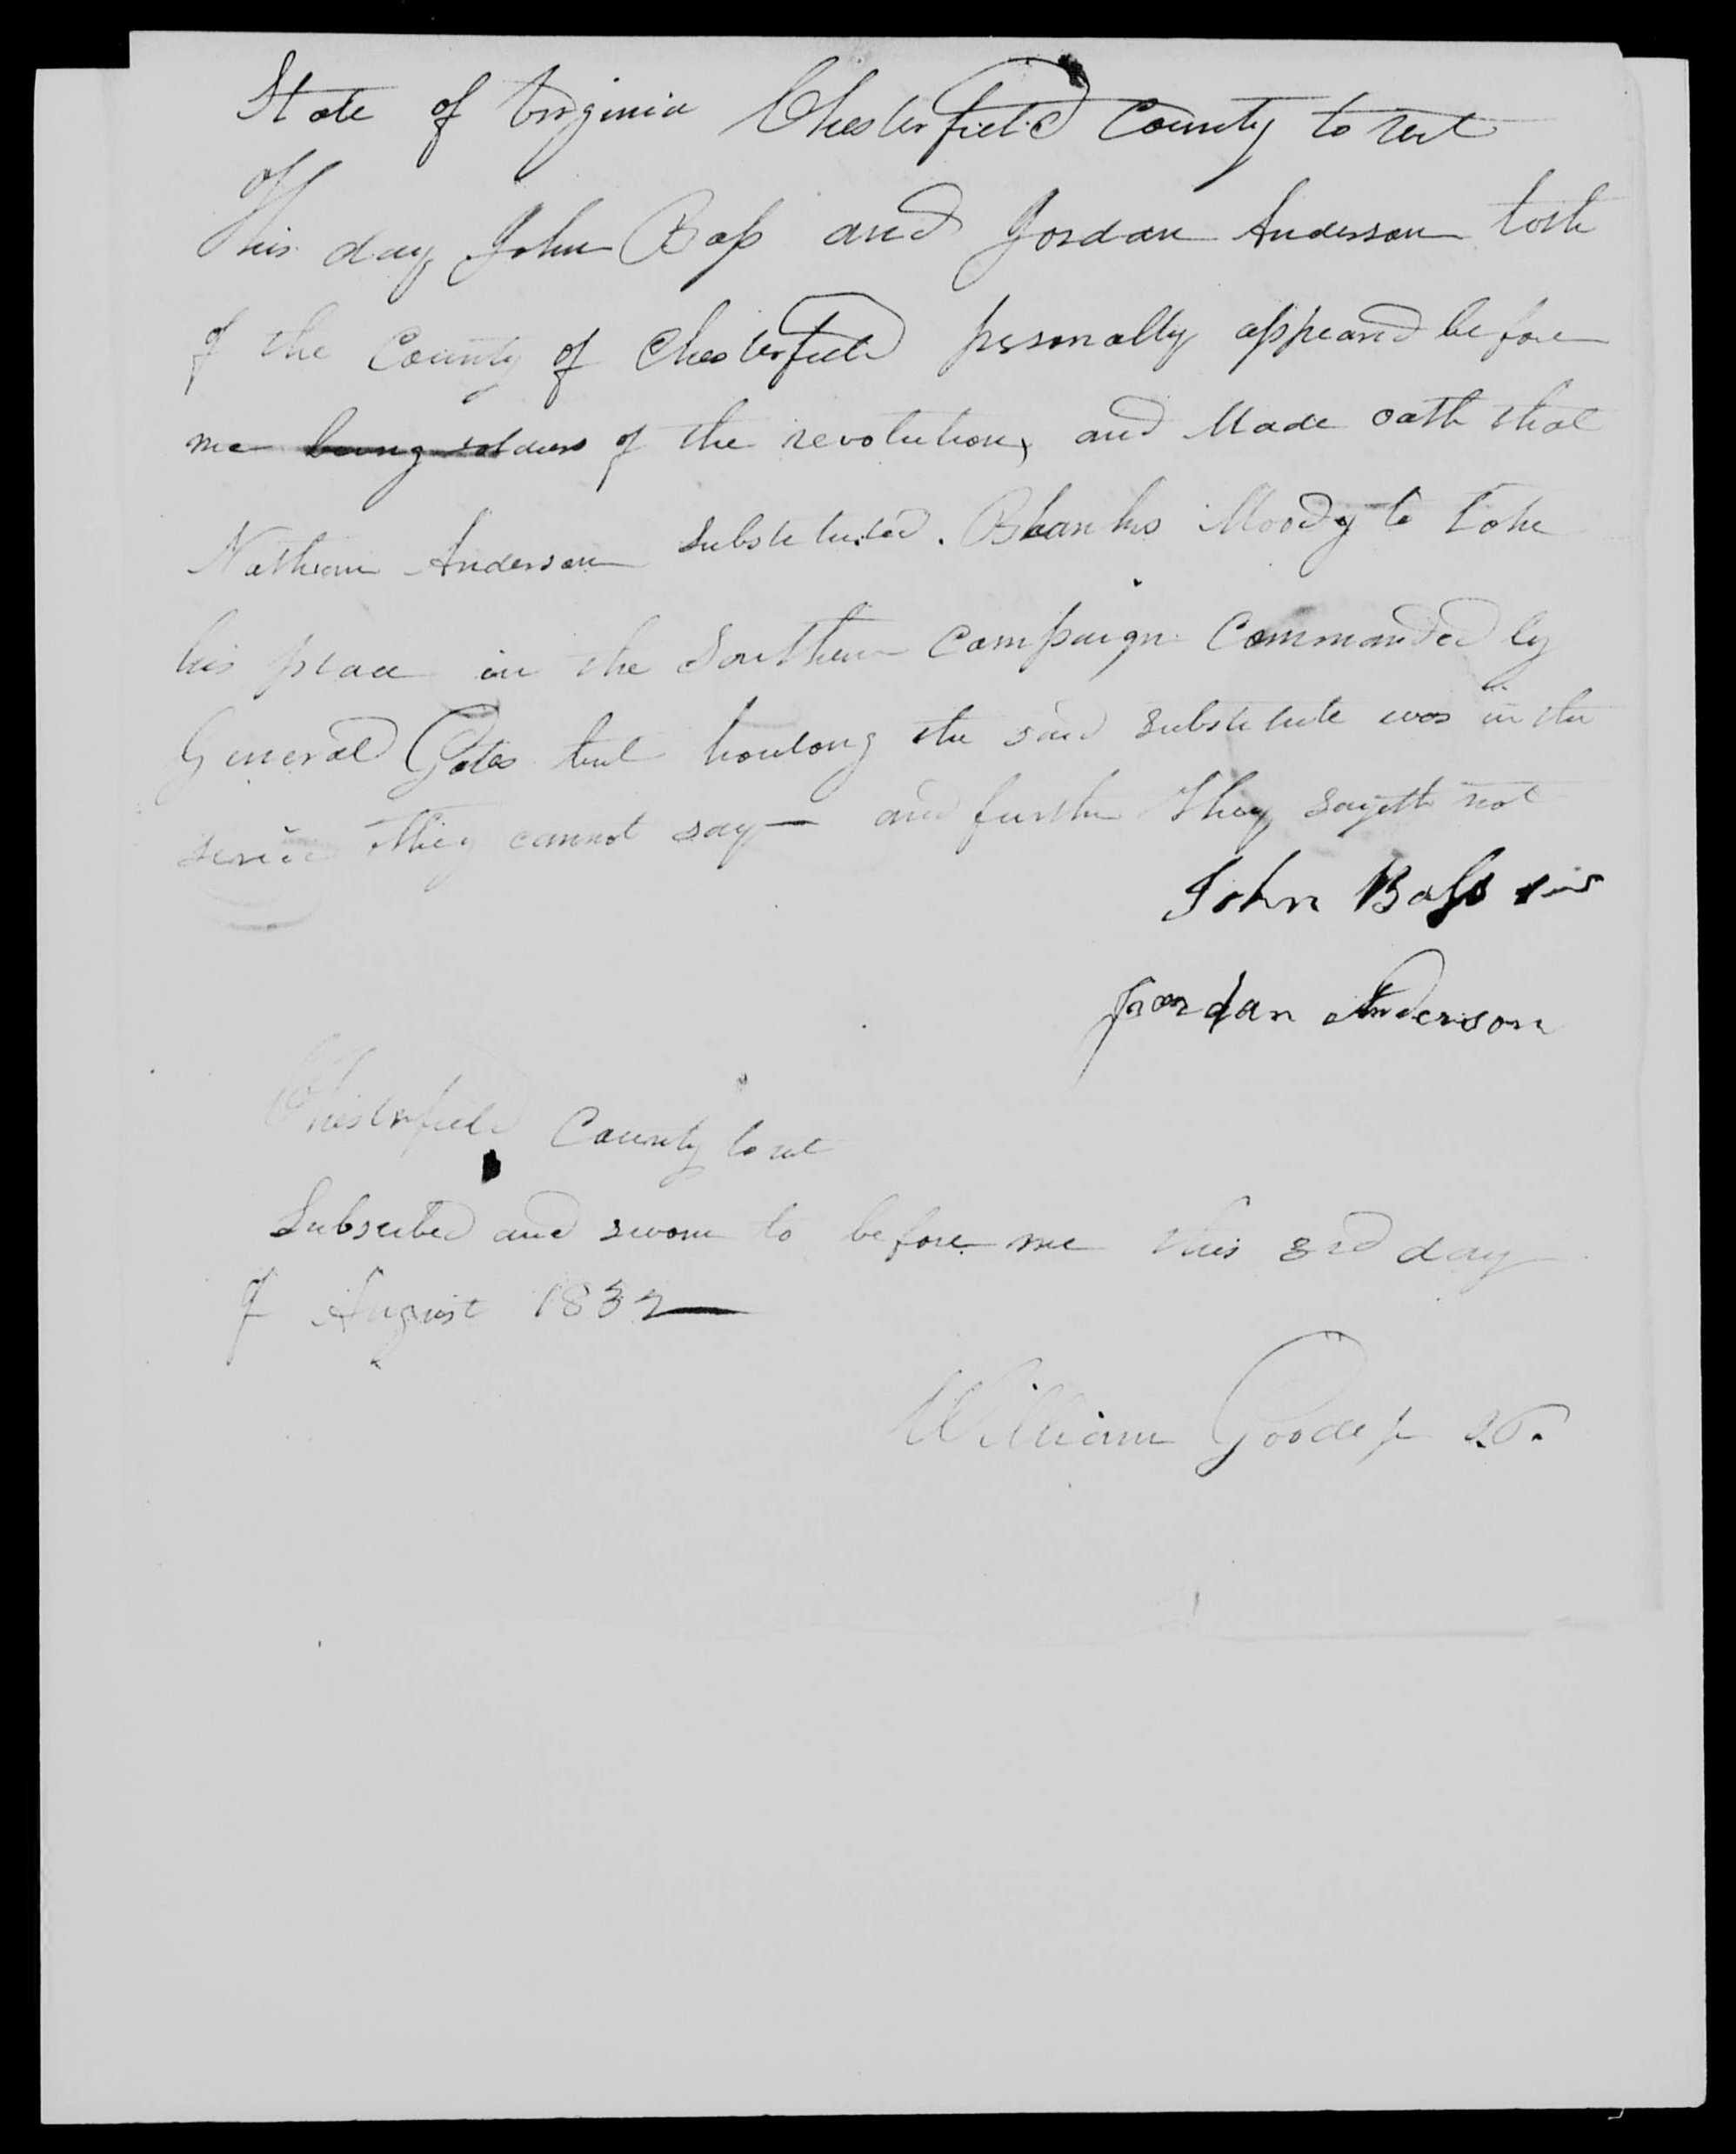State of Virginia Chesterfield County to wit
This day John Bass and Jordan Anderson both
of the County of Chesterfield personally appeared before me being soldiers
of the revolution, and Made oath that
Nathan Anderson Substituted Blanks Moody to the his place in the Southern Campaign Commanded by General Gates but how long the said substitute was in the service They cannot say— and further they sayeth not
John Bass sen'r
Jordan Anderson

Chesterfield County Court
Subscribed and sworn to before me this 3rd day of August 1832

William Goode Jr  J.P.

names: Jordan Anderson, John Bass, Nathan Anderson, John Bass, William Goode, Jordan Anderson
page: 23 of 43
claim: widow's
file: W. 5,626, Nathan Anderson, Va.